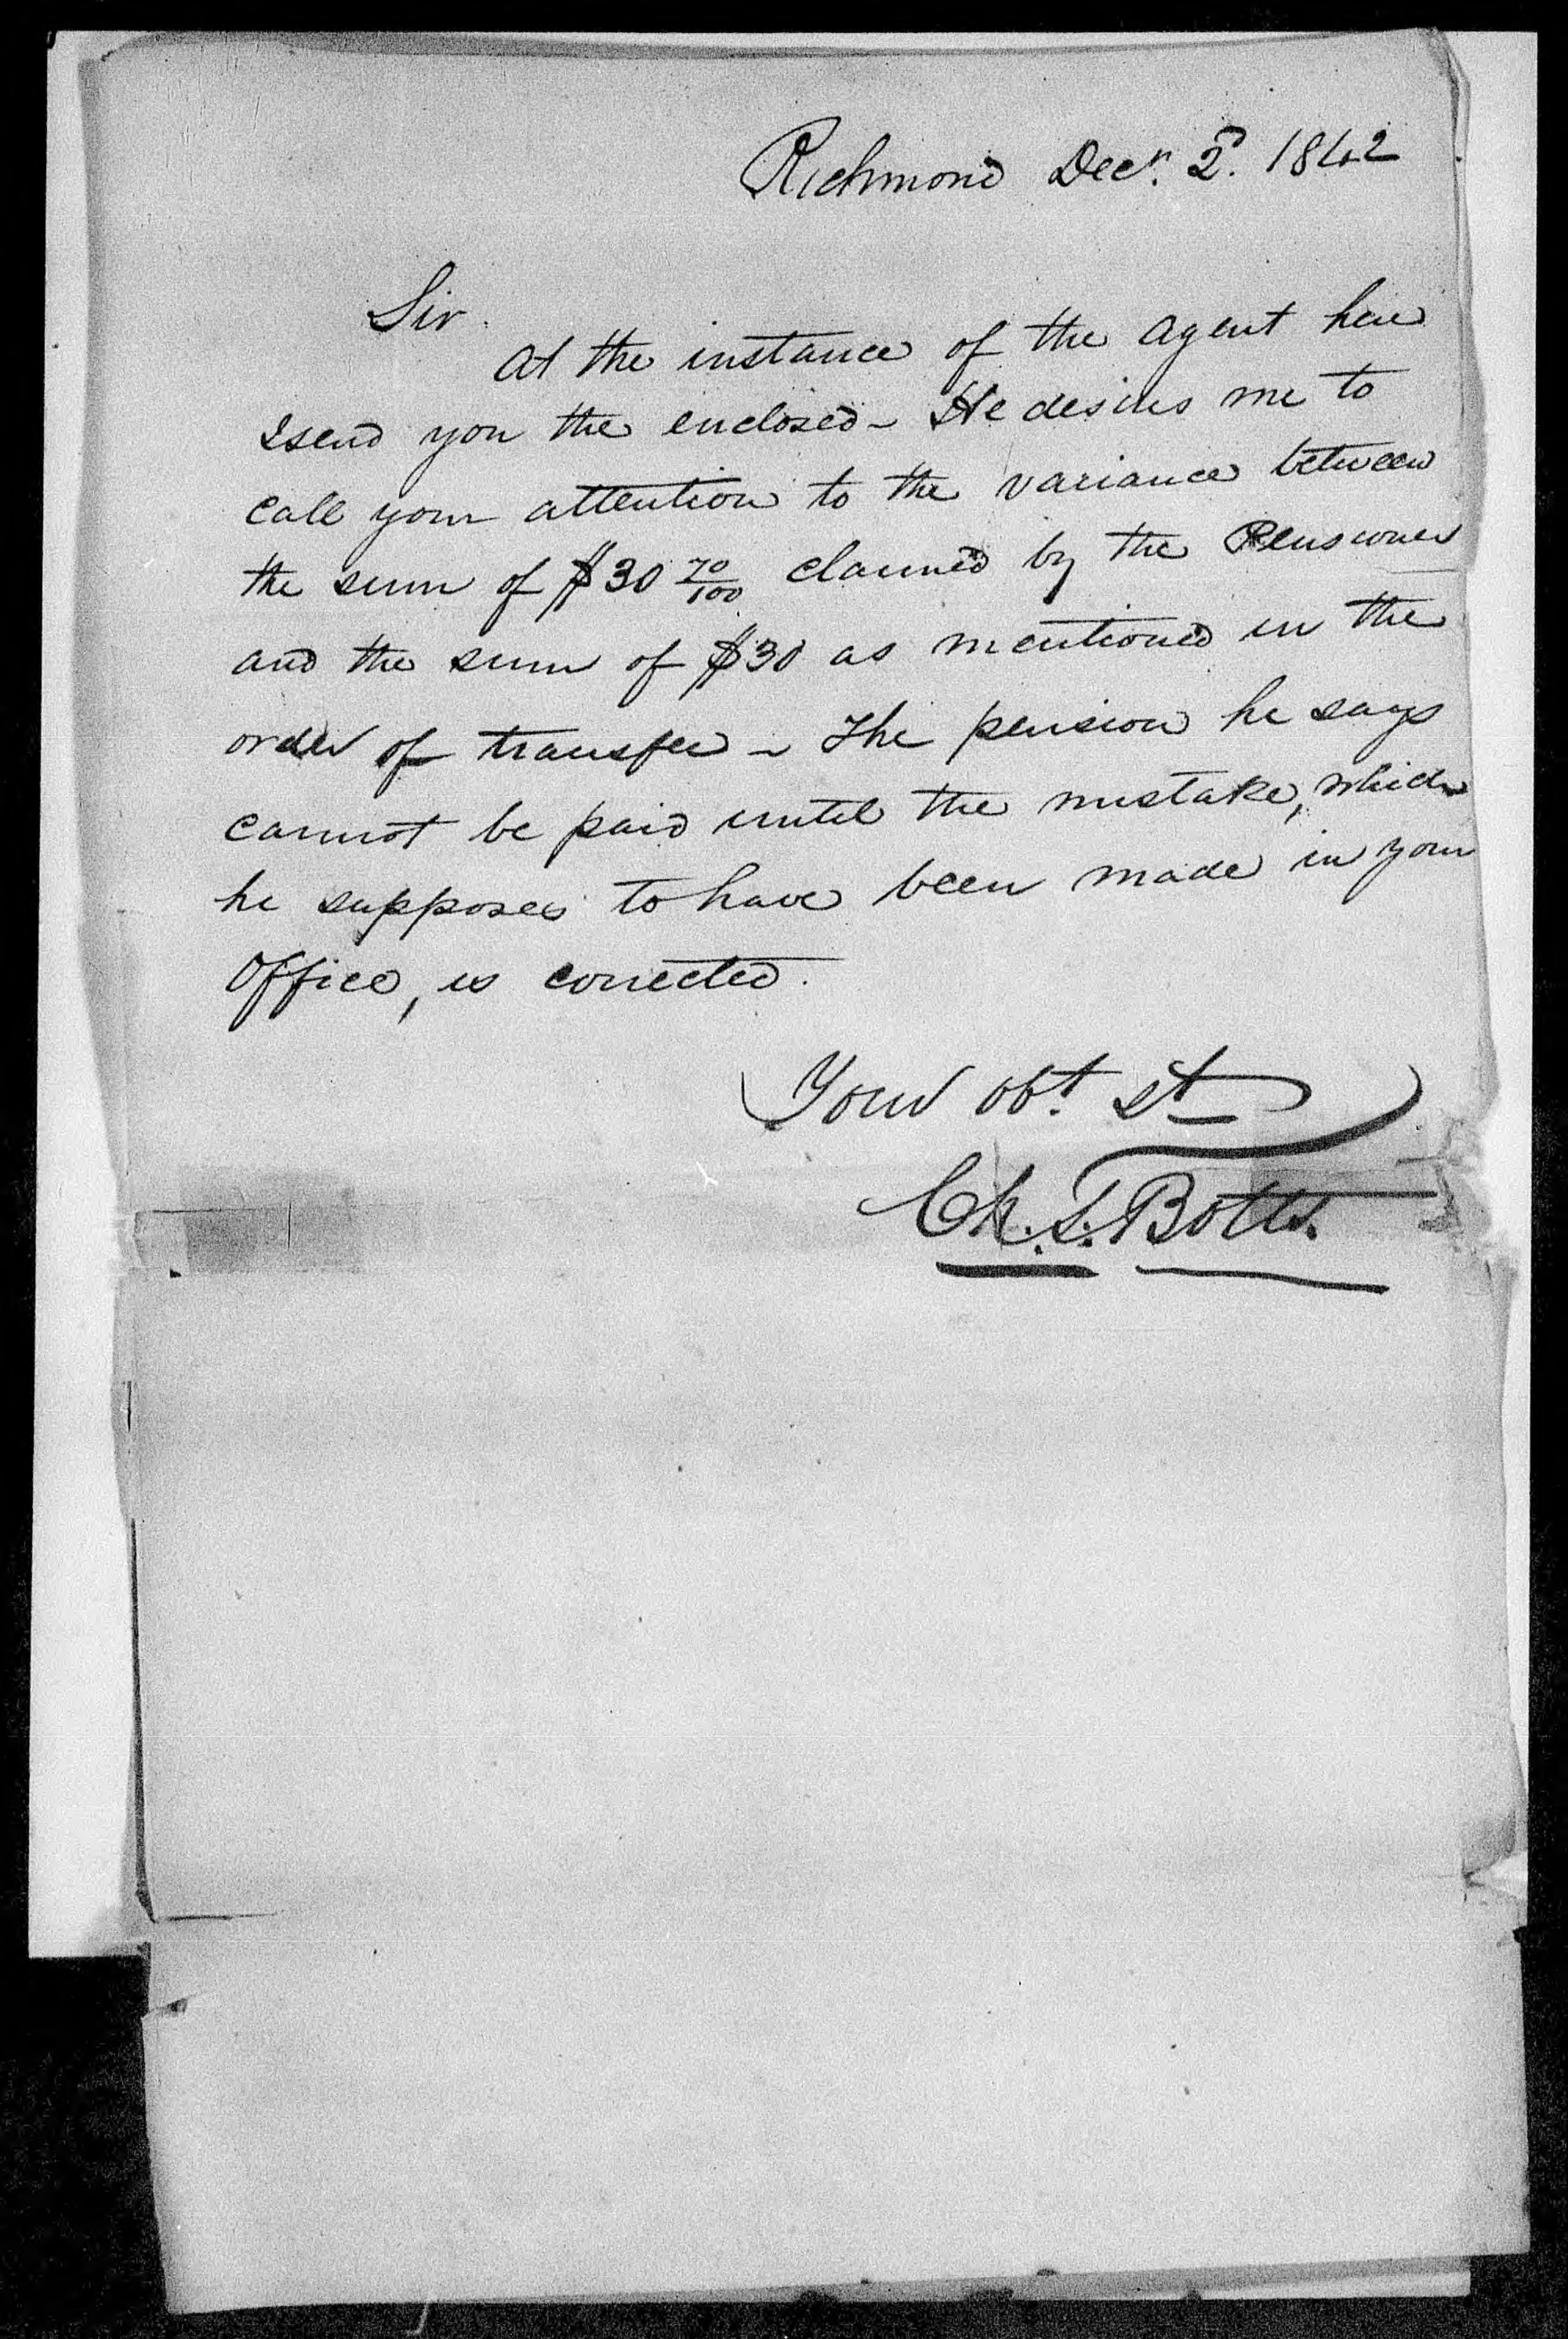Richmond Dec 2d 1842

Sir,
At the instance of the agent here
I send you the enclosed. He desires me to
call your attention to the variance between
the sum of $30 70/100
claimed by the Pensioner
and the sum of $30 as mentioned in the
order of transfer. The pension he says
cannot be paid until the mistake, which
he supposes to have been made in your
Office is corrected.
Your obt st
Chs. Botts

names: Ch S Botts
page: 23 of 64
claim: survivor's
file: S. 6887, Peter Gideon, Md.